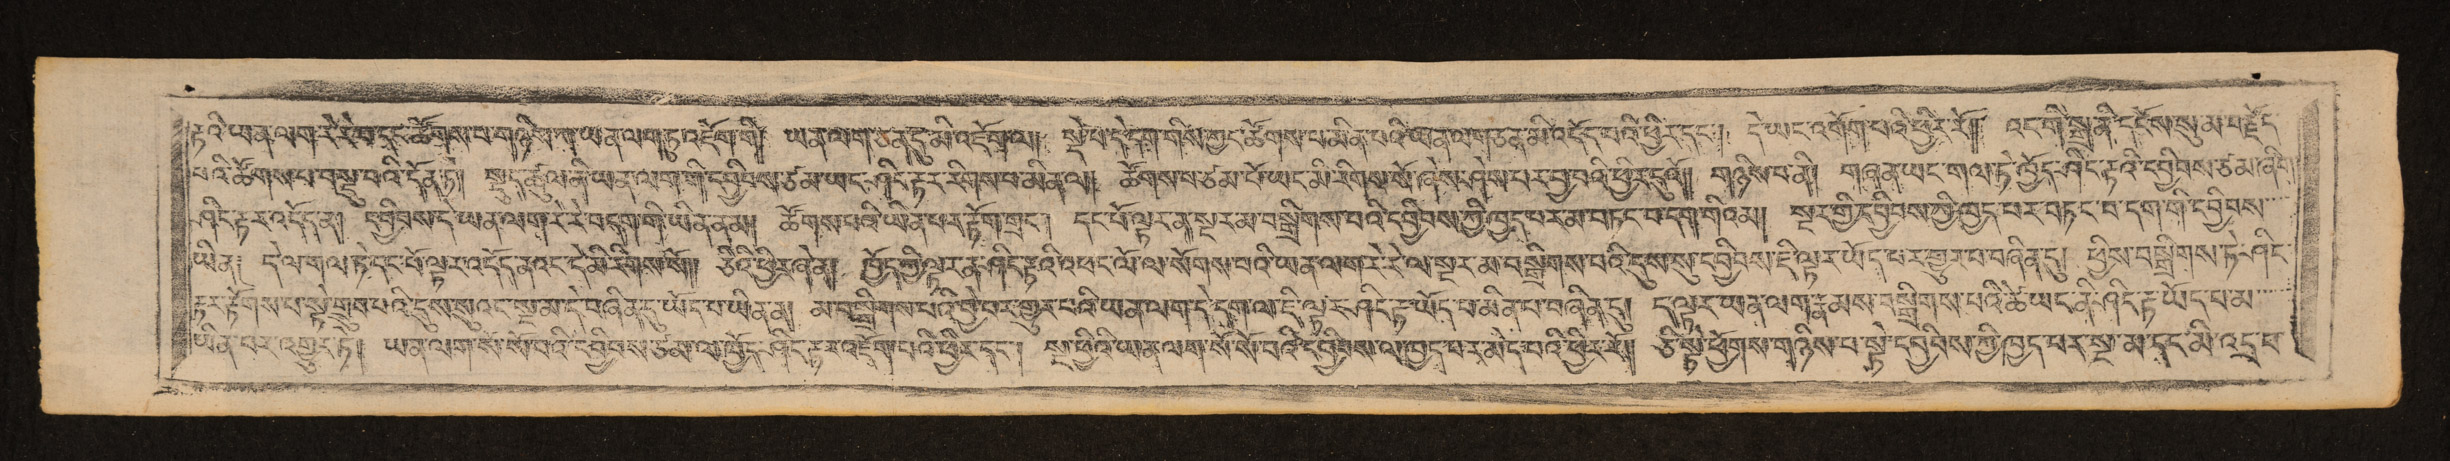རྟའི་ཡན་ལག་རེ་རེ་བ་དང་ཚོགས་པ་གཉིས་ཀ་ཡན་ལག་ཏུ་འཇོག་གི། ཡན་ལག་ཅན་དུ་མི་འཇོག་ལ། སྡེ་པ་དེ་དག་གིས་ཀྱང་ཚོགས་པ་མིན་པའི་ཡན་ལག་ཅན་མི་འདོད་པའི་ཕྱིར་དང་། དེ་ཡང་འགོག་པའི་ཕྱིར་རོ།། འང་གི་སྒྲ་ནི་དངོས་སུ་མ་བརྗོད་
པའི་ཚོགས་པ་བསྡུ་བའི་དོན་ཏེ། སྡུད་ཚུལ་ནི་ཡན་ལག་གི་དབྱིབས་ཙམ་ཡང་ཤིང་རྟར་རིགས་པ་མིན་ལ། ཚོགས་པ་ཙམ་པོ་ཡང་མི་རིགས་སོ་ཞེས་ཤེས་པར་བྱ་བའི་ཕྱིར་དུའོ།། གཉིས་པ་ནི། གཞན་ཡང་གལ་ཏེ་ཁྱོད་ཤིང་རྟའི་དབྱིབས་ཙམ་ཞིག་
ཤིང་རྟར་འདོད་ན། དབྱིབས་དེ་ཡན་ལག་རེ་རེ་བ་དག་གི་ཡིན་ནམ། ཚོགས་པའི་ཡིན་པར་རྟོག་གྲང་། དང་པོ་ལྟར་ན་སྔར་མ་བསྒྲིགས་པའི་དབྱིབས་ཀྱི་ཁྱད་པར་མ་བཏང་བ་དག་གིའམ། སྔར་གྱི་དབྱིབས་ཀྱི་ཁྱད་པར་བཏང་བ་དག་གི་དབྱིབས་
ཡིན། དེ་ལ་གལ་ཏེ་དང་པོ་ལྟར་འདོད་པའང་དེ་མི་རིགས་སོ།། ཅིའི་ཕྱིར་ཞེ་ན། ཁྱོད་ཀྱི་ལྟར་ན་ཤིང་རྟའི་འཕང་ལོ་ལ་སོགས་པའི་ཡན་ལག་རེ་རེ་ལ་སྔར་མ་བསྒྲིགས་པའི་དུས་སུ་དབྱིབས་ཇི་ལྟར་ཡོད་པར་གྱུར་པ་བཞིན་དུ། ཕྱིས་བསྒྲིགས་ཏེ་ཤིང་
རྟར་རྟོགས་པ་སྟེ་གྲུབ་པའི་དུས་སུའང་སྔ་མ་དེ་བཞིན་དུ་ཡོད་པ་ཡིན་ན། མ་བསྒྲིགས་པའི་བྱེ་བར་གྱུར་པའི་ཡན་ལག་དེ་དག་ལ་ཇི་ལྟར་ཤིང་རྟ་ཡོད་པ་མིན་པ་བཞིན་དུ། དེ་ལྟར་ཡན་ལག་རྣམས་བསྒྲིགས་པའི་ཚེ་ཡང་ནི་ཤིང་རྟ་ཡོད་པ་མ་
ཡིན་པར་འགྱུར་ཏེ། ཡན་ལག་སོ་སོ་བའི་དབྱིབས་ཙམ་ལ་ཁྱོད་ཤིང་རྟར་འཇོག་པའི་ཕྱིར་དང་། སྔ་ཕྱིའི་ཡན་ལག་སོ་སོ་བའི་དབྱིབས་ལ་ཁྱད་པར་མེད་པའི་ཕྱིར་རོ།། ཅི་སྟེ་ཕྱོགས་གཉིས་པ་སྟེ་དབྱིབས་ཀྱི་ཁྱད་པར་སྔ་མ་དང་མི་འདྲ་བ་